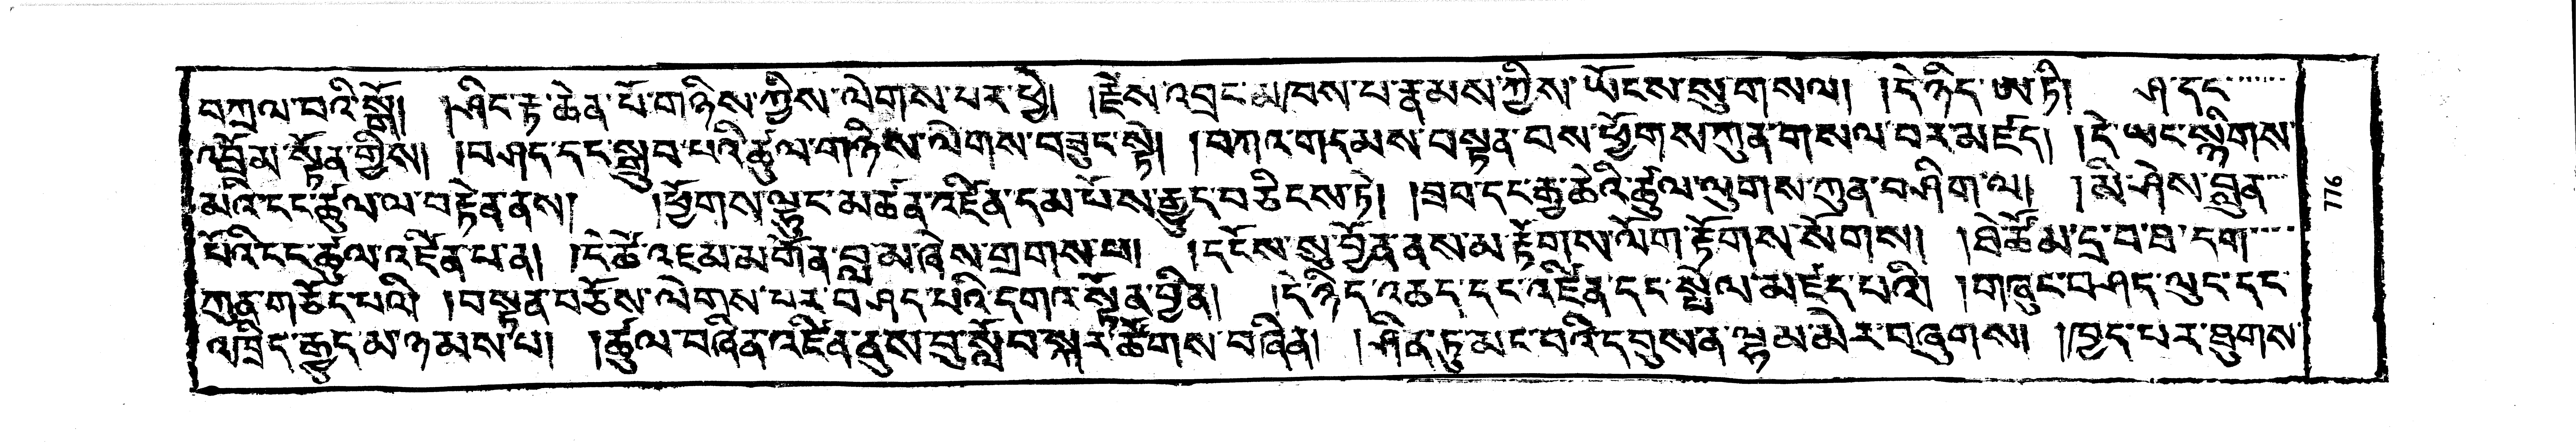བཀྲལ་བའི་སྒོ། །ཤིང་རྟ་ཆེན་པོ་གཉིས་ཀྱིས་ལེགས་པར་ཕྱེ། །རྗེས་འབྲང་མཁས་པ་རྣམས་ཀྱིས་ཡོངས་སུ་གསལ། །དེ་ཉིད་ཨ་ཏི། ཤ་དང་
འབྲོམ་སྟོན་གྱིས། །བཤད་དང་སྒྲུབ་པའི་ཚུལ་གཉིས་ལེགས་བཟུང་སྟེ། །བཀའ་གདམས་བསྟན་བས་ཕྱོགས་ཀུན་གསལ་བར་མཛད། །དེ་ཡང་སྙིགས་
མའི་ངང་ཚུལ་ལ་བརྟེན་ནས། །ཕྱོགས་ལྟུང་མཚན་འཛིན་དམ་པོས་རྒྱུད་བཅིངས་ཏེ། །ཟབ་དང་རྒྱ་ཆེའི་ཚུལ་ལུགས་ཀུན་བཤིག་ལ། །མི་ཤེས་བླུན་
པོའི་ངང་ཚུལ་འཛིན་པ་ན། །དེ་ཚེ་འཇམ་མགོན་བླ་མ་ཞེས་གྲགས་པ། །དངོས་སུ་བྱོན་ནས་མ་རྟོགས་ལོག་རྟོགས་སོགས། །ཐེ་ཚོམ་དྲ་བ་ཐ་དག་
ཀུན་གཅོད་པའི། །བསྟན་བཅོས་ལེགས་པར་བཤད་པའི་དགའ་སྟོན་བྱིན། །དེ་ཉིད་འཆད་དང་འཛིན་དང་སྤེལ་མཛད་པའི། །གཞུང་བཤད་ལུང་དང་
འཁྲིད་རྒྱུད་མ་ཉམས་པ། །ཚུལ་བཞིན་འཛིན་ནུས་བུ་སློབ་སྐར་ཚོགས་བཞིན། །ཤིན་ཏུ་མང་བའི་དབུས་ན་ལྷམ་མེར་བཞུགས། །ཁྱད་པར་ཐུགས་